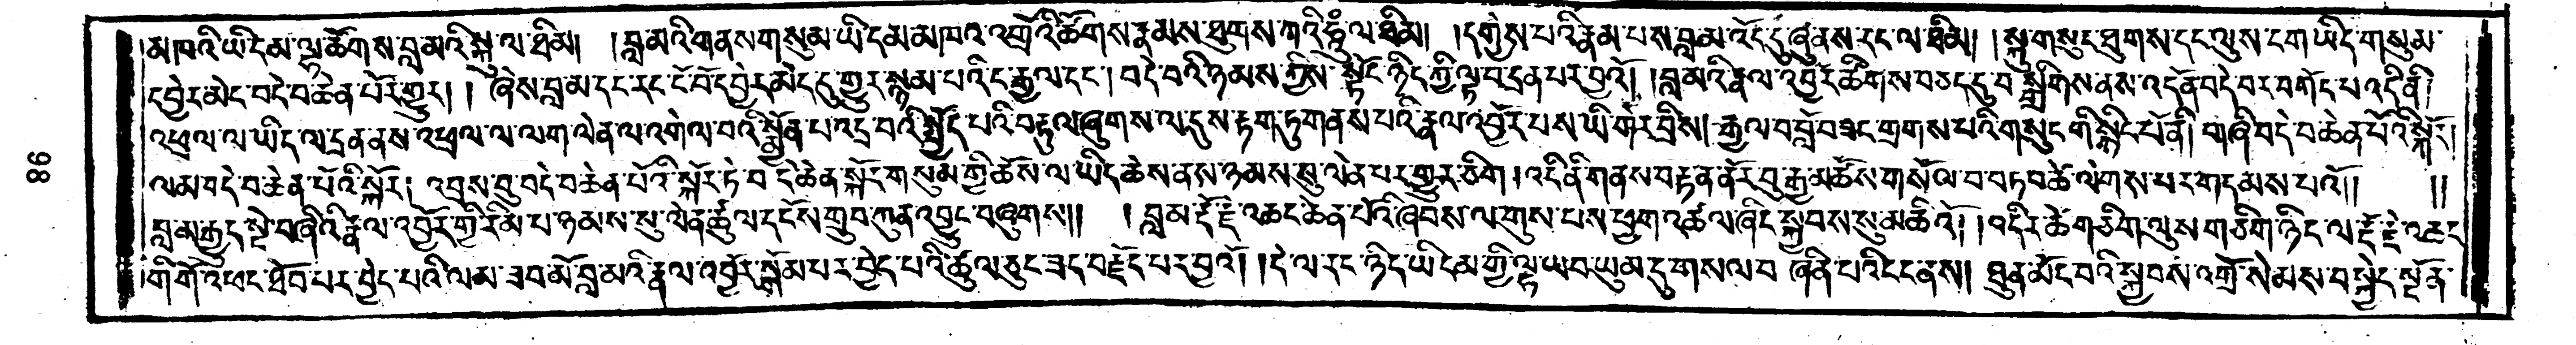མཁའི་ཡི་དམ་ལྷ་ཚོགས་བླ་མའི་སྐུ་ལ་ཐིམ། །བླ་མའི་གནས་གསུམ་ཡི་དམ་མཁའ་འགྲོའི་ཚོགས་རྣམས་ཐུགས་ཀའི་ཧཱུཾ་ལ་ཐིམ། །དགྱེས་པའི་རྣམ་པས་བླ་མ་འོད་དུ་ཞུ་ནས་རང་ལ་ཐིམ། །སྐུ་གསུང་ཐུགས་དང་ལུས་ངག་ཡིད་གསུམ་
དབྱེར་མེད་བདེ་བ་ཆེན་པོར་གྱུར། །ཞེས་བླ་མ་དང་རང་ངོ་བོ་དབྱེར་མེད་དུ་གྱུར་སྙམ་པའི་ང་རྒྱལ་དང་། བདེ་བའི་ཉམས་ཀྱིས་སྟོང་ཉིད་ཀྱི་ལྟ་བ་དྲན་པར་བྱའོ། །བླ་མའི་རྣལ་འབྱོར་ཚིགས་བཅད་དུ་བསྒྲིགས་ནས་འདོན་བདེ་བར་བགོད་པ་འདི་ནི།
འཕྲལ་ལ་ཡིད་ལ་དྲན་ནས་འཕྲལ་ལ་ལག་ལེན་ལ་འགེལ་བའི་སྨྱོན་པ་འདྲ་བའི་སྤྱོད་པའི་བརྟུལ་ཞུགས་ལ་དུས་རྟག་ཏུ་གནས་པའི་རྣལ་འབྱོར་པས་ཡི་གེར་བྲིས། རྒྱལ་བ་བློ་བཟང་གྲགས་པའི་གསུང་གི་སྙིང་པོ་ནི། གཞི་བདེ་བ་ཆེན་པོའི་སྐོར།
ལམ་བདེ་བ་ཆེན་པོའི་སྐོར། འབྲས་བུ་བདེ་བ་ཆེན་པོའི་སྐོར་ཏེ་བདེ་ཆེན་སྐོར་གསུམ་གྱི་ཆོས་ལ་ཡིད་ཆེས་ནས་ཉམས་སུ་ལེན་པར་གྱུར་ཅིག །འདི་ནི་གནས་བརྟན་ནོར་བུ་རྒྱ་མཚོས་གསོལ་བ་བཏབ་ཚེ་ལེགས་པར་གདམས་པའོ།། །།
བླ་མ་རྒྱུད་སྡེ་བཞིའི་རྣལ་འབྱོར་གྱི་རིམ་པ་ཉམས་སུ་ལེན་ཚུལ་དངོས་གྲུབ་ཀུན་འབྱུང་བཞུགས།། །བླ་མ་རྡོ་རྗེ་འཆང་ཆེན་པོའི་ཞབས་ལ་གུས་པས་ཕྱག་འཚལ་ཞིང་སྐྱབས་སུ་མཆིའོ། །འདིར་ཚེ་གཅིག་ལུས་གཅིག་ཉིད་ལ་རྡོ་རྗེ་འཆང་
གི་གོ་འཕང་ཐོབ་པར་བྱེད་པའི་ལམ་ཟབ་མོ་བླ་མའི་རྣལ་འབྱོར་སྒོམ་པར་བྱེད་པའི་ཚུལ་ཅུང་ཟད་བརྗོད་པར་བྱའོ། །དེ་ལ་རང་ཉིད་ཡི་དམ་གྱི་ལྷ་ཡབ་ཡུམ་དུ་གསལ་བཞིན་པའི་ངང་ནས། ཐུན་མོང་བའི་སྐྱབས་འགྲོ་སེམས་བསྐྱེད་སྔོན་